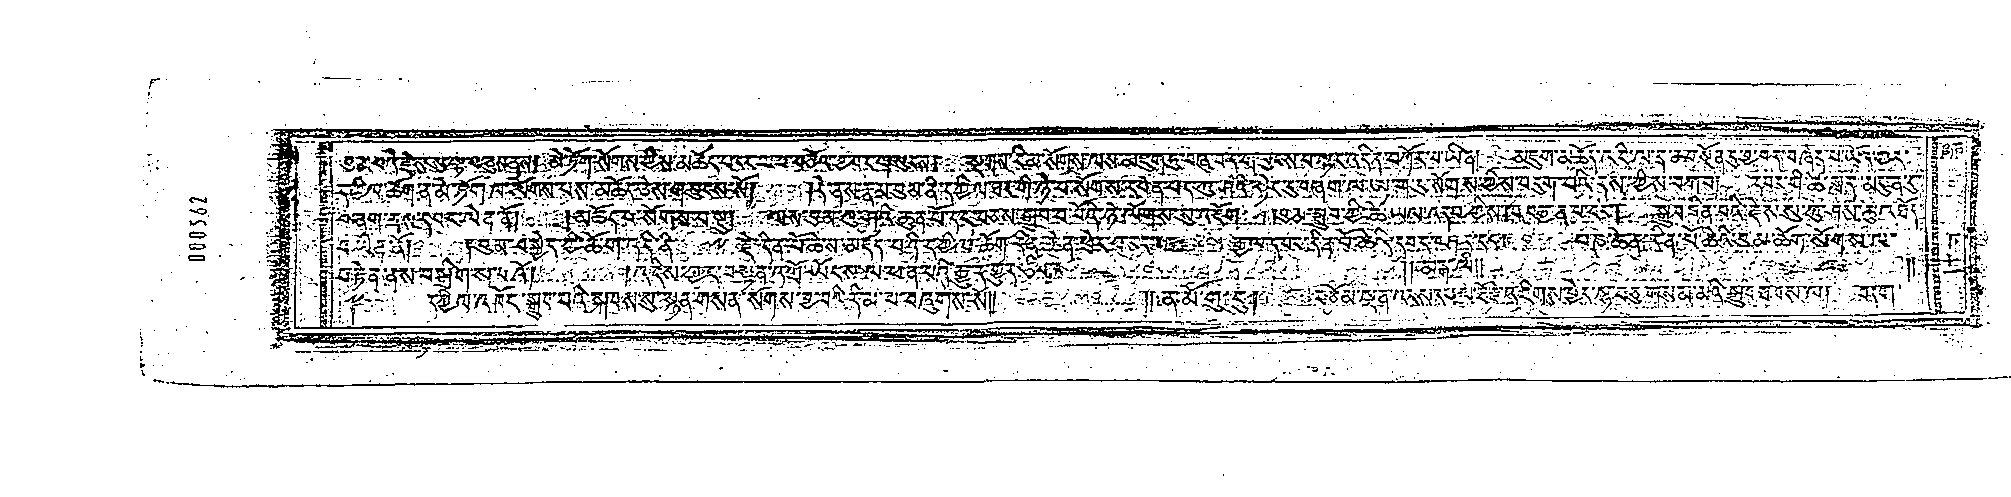བུམ་པའི་རྗེས་སུ་ལྷ་བཞུས་ནས། མེ་ཏོག་སོགས་ཀྱིས་མཆོད་པ་དང་ལས་བཅོལ་བྱ་བར་གསུངས། སྔགས་རིམ་སོགས་ལས་མཇུག་ཏུ་བཞུ་བར་གསུངས་པ་ལྟར་འདིར་བཀོད་པ་ཡིན། མཇུག་མཆོད་འདི་ལ་དྲི་ཆབ་སྔོན་དུ་བྱ་བར་བཞེད་པ་ཡོད་ཀྱང་
དཀྱིལ་ཆོག་ན་མེ་ཏོག་ལ་སོགས་པས་མཆོད་ཅེས་གསུངས་སོ། །དེ་ནས་རྣམ་བུམ་ནི་དཀྱིལ་ཐར་གི་ཉེ་བ་སོགས་དབེན་པར་ཀུ་ཤའི་སྟེང་དུ་བཞག་ལ་ཨ་ག་རུ་སོགས་ཀྱིས་བདུག་པའི་རས་ཀྱིས་བཀབ། དབང་གི་ཚེ་སླད་མདུན་དུ་
བཞག་ནས་དབང་ལེན་ནོ། །མཆོད་པ་སོགས་བསྡུ། ལས་བུམ་ཀུ་ཤའི་ཆུན་པོ་དང་བཅས་སྒྲུབ་བ་པོའི་ཉེ་ལོགས་སུ་འཇོག །བུམ་སྒྲུབ་ཀྱི་ཚེ་ཡལ་འདབ་ཀྱིས་ཁ་བརྒྱན་པ་དང་། སྒྲུབ་ཟིན་བའི་རྗེས་སུ་ཀུ་ཤས་ཆུ་འཐོར་
བ་ཡིན་ནོ། །བུམ་བསྐྱེད་ཀྱི་ཆོ་ག་འདི་ནི་༧་རྗེ་རིན་པོ་ཆེས་མཛད་པའི་དཀྱིལ་ཆོག་རིན་ཆེན་ཕྲེང་བ་དང་། རྒྱལ་དབང་རིན་པོ་ཆེའི་དབང་བཤད་དང་། པཎ་ཆེན་རིན་པོ་ཆེའི་བུམ་ཆོག་སོགས་ལ་
བརྟེན་ནས་བསྒྲིགས་པའོ། །འདིས་ཀྱང་བསྟན་འགྲོ་ཡོངས་ལ་ཕན་པའི་རྒྱུར་གྱུར་ཅིག། །།མངྒ་ལཾ།། །།
༈ དཀྱིལ་འཁོར་སྒྲུབ་པའི་སྐབས་སུ་སྙན་གསན་སོགས་བྱ་བའི་རིམ་པ་བཞུགས་སོ།། །།ན་མོ་གུ་རུ། བཅོམ་ལྡན་འདས་དཔལ་རྡོ་རྗེ་འཇིགས་བྱེད་ལྷ་བཅུ་གསུམ་མའི་སྒྲུབ་ཐབས་ལ། བདག་